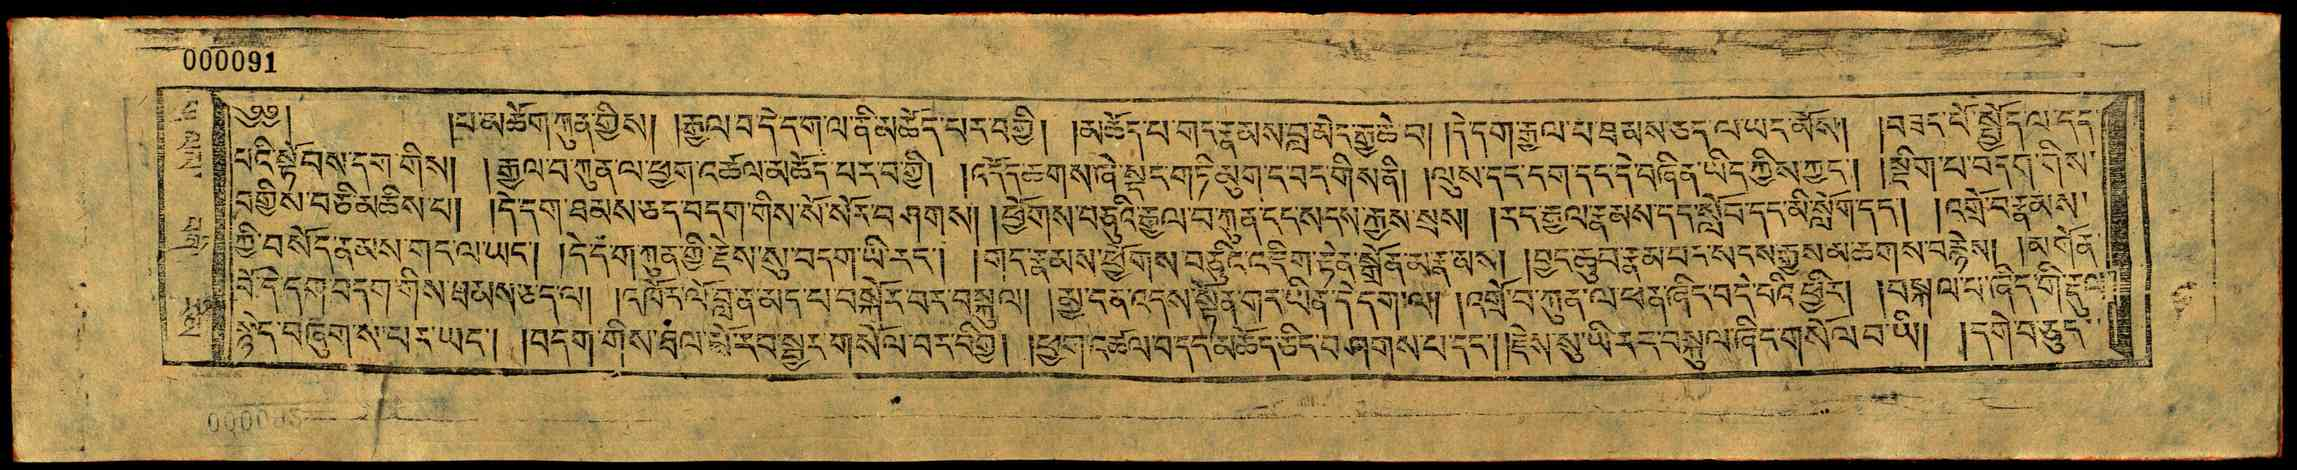༄༅། །པ་མཆོག་ཀུན་གྱིས། །རྒྱལ་བ་དེ་དག་ལ་ནི་མཆོད་པར་བགྱི། །མཆོད་པ་གང་རྣམས་བླ་མེད་རྒྱ་ཆེ་བ། །དེ་དག་རྒྱལ་བ་ཐམས་ཅད་ལ་ཡང་མོས། །བཟང་པོ་སྤྱོད་ལ་དད་
པའི་སྟོབས་དག་གིས། །རྒྱལ་བ་ཀུན་ལ་ཕྱག་འཚལ་མཆོད་པར་བགྱི། །འདོད་ཆགས་ཞེ་སྡང་གཏི་མུག་དབང་གིས་ནི། །ལུས་དང་ངག་དང་དེ་བཞིན་ཡིད་ཀྱིས་ཀྱང་། །སྡིག་པ་བདག་གིས་
བགྱིས་པ་ཅི་མཆིས་པ། །དེ་དག་ཐམས་ཅད་བདག་གིས་སོ་སོར་བཤགས། །ཕྱོགས་བཅུའི་རྒྱལ་བ་ཀུན་དང་སངས་རྒྱས་སྲས། །རང་རྒྱལ་རྣམས་དང་སློབ་དང་མི་སློབ་དང་། །འགྲོ་བ་རྣམས་
ཀྱི་བསོད་ནམས་གང་ལ་ཡང་། །དེ་དག་ཀུན་གྱི་རྗེས་སུ་བདག་ཡི་རང་། །གང་རྣམས་ཕྱོགས་བཅུའི་འཇིག་རྟེན་སྒྲོན་མ་རྣམས། །བྱང་ཆུབ་རྣམ་པར་སངས་རྒྱས་མ་ཆགས་བརྙེས། །མགོན་
པོ་དེ་དག་བདག་གིས་ཐམས་ཅད་ལ། །འཁོར་ལོ་བླ་ན་མེད་པ་བསྐོར་བར་བསྐུལ། །མྱ་ངན་འདས་སྟོན་གང་ཡིན་དེ་དག་ལ། །འགྲོ་བ་ཀུན་ལ་ཕན་ཞིང་བདེ་བའི་ཕྱིར། །བསྐལ་པ་ཞིང་གི་རྡུལ་
སྙེད་བཞུགས་པར་ཡང་། །བདག་གིས་ཐལ་མོ་རབ་སྦྱང་གསོལ་བར་བགྱི། །ཕྱག་འཚལ་བ་དང་མཆོད་ཅིང་བཤགས་པ་དང་། །རྗེས་སུ་ཡི་རང་བསྐུལ་ཞིང་གསོལ་བ་ཡི། །དགེ་བ་ཅུང་